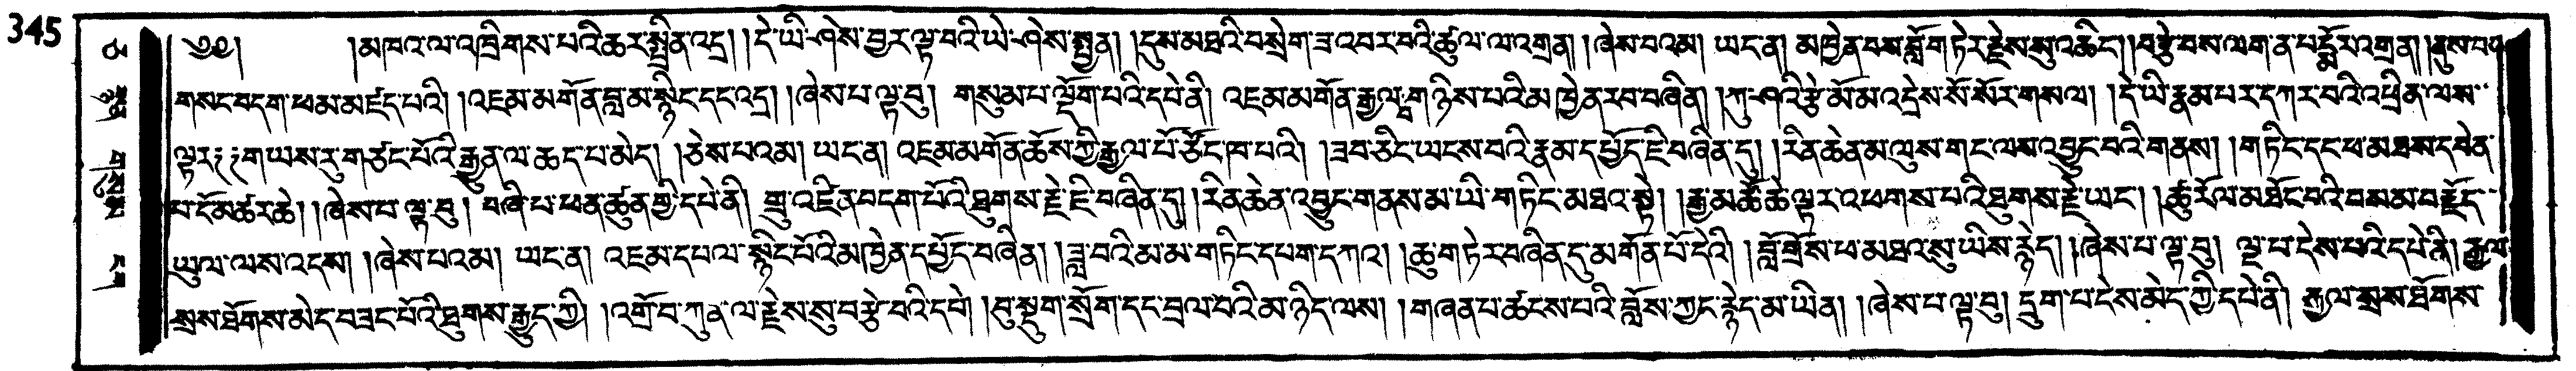༄༅། །མཁའ་ལ་འཁྲིགས་པའི་ཆར་སྤྲིན་འདྲ། །དེ་ཡི་ཤེས་བྱར་ལྟ་བའི་ཡེ་ཤེས་སྤྱན། །དུས་མཐའི་བསྲེག་ཟ་འབར་བའི་ཚུལ་ལ་འགྲན། །ཞེས་བའམ། ཡང་ན། མཁྱེན་བས་བློ་གཏེར་རྗེས་སུ་འཆིང་། །བརྩེ་བས་ལག་ན་པདམོར་འགྲན། །ནུས་པ་
གསང་བདག་ཕམ་མཛད་པའི། །འཇམ་མགོན་བླ་མ་སྙིང་དང་འདྲ། །ཞེས་པ་ལྟ་བུ། གསུམ་པ་ལྡོག་པའི་དཔེ་ནི། འཇམ་མགོན་རྒྱལ་བ་གཉིས་པའི་མཁྱེན་རབ་བཞིན། །ཀུ་ཤའི་རྩེ་མོ་མ་འདྲེས་སོ་སོར་གསལ། །དེ་ཡི་རྣམ་པར་དཀར་བའི་འཕྲིན་ལས་
ལྟར༑ ༑གཡས་རུ་གཙང་པོའི་རྒྱུན་ལ་ཆད་པ་མེད། །ཅེས་པའམ། ཡང་ན། འཇམ་མགོན་ཆོས་ཀྱི་རྒྱལ་པོ་ཙོང་ཁ་པའི། །ཟབ་ཅིང་ཡངས་བའི་རྣམ་དཔྱོད་ཇི་བཞིན་དུ། །རིན་ཆེན་མ་ལུས་གང་ལས་འབྱུང་བའི་གནས། །གཏིང་དང་ཕ་མཐས་དབེན་
པ་ངོ་མཚར་ཆེ། །ཞེས་པ་ལྟ་བུ། བཞི་པ་ཕན་ཚུན་གྱི་དཔེ་ནི། གྲུ་འཛིན་བདག་པོའི་ཐུགས་རྗེ་ཇི་བཞིན་དུ། །རིན་ཆེན་འབྱུང་གནས་མ་ཡི་གཏིང་མཐའ་སྟེ། །རྒྱ་མཚོ་ཆེ་ལྟར་འཕགས་པའི་ཐུགས་རྗེ་ཡང་། །ཚུ་རོལ་མཐོང་བའི་བསམ་བརྗོད་
ཡུལ་ལས་འདས། །ཞེས་པའམ། ཡང་ན། འཇམ་དཔལ་སྙིང་པོའི་མཁྱེན་དཔྱོད་བཞིན། །ཟླ་བའི་མ་མ་གཏིང་དཔག་དཀའ། །ཆུ་གཏེར་བཞིན་དུ་མགོན་པོ་དེའི། །བློ་གྲོས་ཕ་མཐའ་སུ་ཡིས་རྙེད། །ཞེས་པ་ལྟ་བུ། ལྔ་པ་དེས་པའི་དཔེ་ནི། རྒྱལ་
སྲས་ཐོགས་མེད་བཟང་པོའི་ཐུགས་རྒྱུད་ཀྱི། །འགྲོ་བ་ཀུན་ལ་རྗེས་སུ་བརྩེ་བའི་དཔེ། །བུ་སྡུག་སྲོག་དང་བྲལ་བའི་མ་ཉིད་ལས། །གཞན་པ་ཚངས་པའི་བློས་ཀྱང་རྙེད་མ་ཡིན། །ཞེས་པ་ལྟ་བུ། དྲུག་པ་ངེས་མེད་ཀྱི་དཔེ་ནི། རྒྱལ་སྲས་ཐོགས་